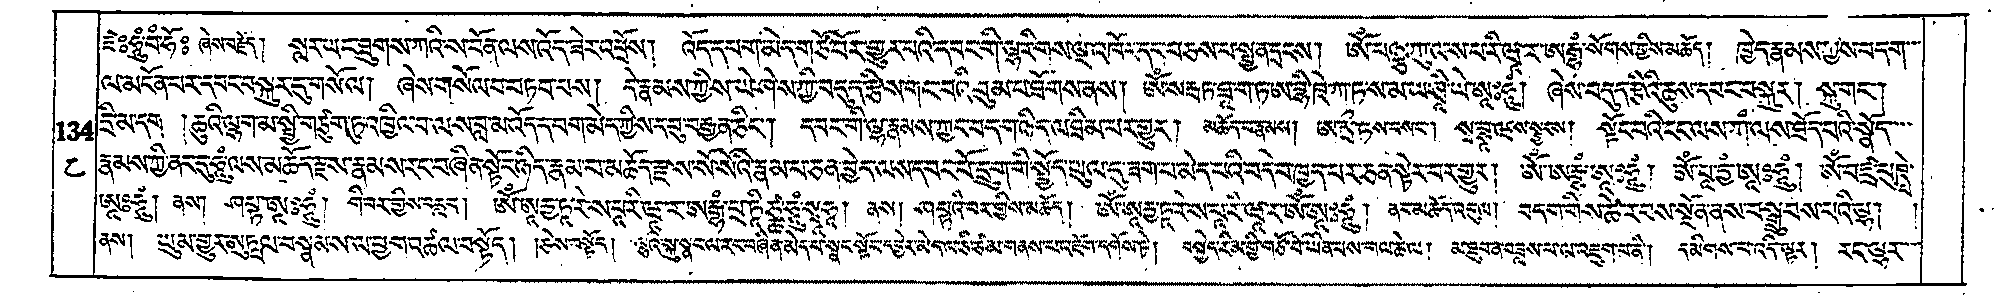ཛཿཧཱུཾ་བཾ་ཧོཿ ཞེས་བརྗོད།  སླར་ཡང་ཐུགས་ཀའི་ས་བོན་ལས་འོད་ཟེར་འཕྲོས། འོད་དཔག་མེད་གཙོ་བོར་གྱུར་པའི་དབང་གི་ལྷ་རིགས་ལྔ་འཁོར་དང་བཅས་པ་སྤྱན་དྲངས། ཨོཾ་པཉྩ་ཀུ་ལས་པ་རི་ཝཱ་ར་ཨརྒྷཾ་སོགས་ཀྱིས་མཆོད། ཁྱེད་རྣམས་ཀྱིས་བདག་་་
ལ་མངོན་པར་དབང་བསྐུར་དུ་གསོལ། ཞེས་གསོལ་བ་བཏབ་པས། དེ་རྣམས་ཀྱིས་ཡེ་ཤེས་ཀྱི་བདུད་རྩིས་གང་བའི་བུམ་པ་ཐོགས་ནས། ཨོཾ་སརྦཏ་ཐཱ་ག་ཏ་ཨ་བྷི་ཥྲཱི་ཡེ་ཨཱཿཧཱུཾ། ཞེས་བདུད་རྩིའི་ཆུས་དབང་བསྐུར། སྐུ་གང་།
དྲི་མ་དག །ཆུའི་ལྷག་མ་སྤྱི་གཙུག་ཏུ་འཁྱིལ་བ་ལས་བླ་མ་འོད་དཔག་མེད་ཀྱིས་དབུ་བརྒྱན་ཅིང་། དབང་གི་ལྷ་རྣམས་ཀྱང་བདག་ཉིད་ལ་ཐིམ་པར་གྱུར། མཆོད་པ་རྣམས། ཨམྲྀ་ཏས་བསང་།  སྭ་བྷཱ་ཝས་སྦྱངས། སྟོང་བའི་ངང་ལས་ཀཾ་ལས་ཐོད་པའི་སྣོད་་་
རྣམས་ཀྱི་ནང་དུ་ཧཱུཾ་ལས་མཆོད་རྫས་རྣམས་རང་བཞིན་སྟོང་ཉིད་རྣམ་པ་མཆོད་རྫས་སོ་སོའི་རྣམ་པ་ཅན་བྱེད་ལས་དབང་པོ་དྲུག་གི་སྤྱོད་ཡུལ་དུ་ཟག་པ་མེད་པའི་བདེ་བ་ཁྱད་པར་ཅན་སྟེར་བར་གྱུར། ཨོཾ་ཨརྒྷཾ་ཨཱཿཧཱུཾ། ཨོཾ་པཱ་དྱཾ་ཨཱཿཧཱུཾ། ཨོཾ་བརྫྲ་པུཥྤེ་
ཨཱཿཧཱུ། ནས། ཤཔྟ་ཨཱཿཧཱུ། གི་བར་གྱིས་བརླབ། ཨོཾ་ཨཱ་རྱ་ཏཱ་རེ་ས་པཱ་རི་ཝཱ་ར་ཨརྒྷཾ་པྲ་ཏཱི་ཙྪ་ཧཱུཾ་སྭཱཧཱ། ནས། ཤ་པྟའི་བར་གྱིས་མཆོད། ཨོཾ་ཨཱ་རྱ་ཏཱ་རེ་ས་པཱ་རི་ཝཱ་ར་ཨོཾ་ཨཱཿཧཱུཾ། ནང་མཆོད་འབུལ། །བདག་གིས་ཚེ་རབས་སྔོན་ནས་བསྒྲུབས་པའི་ལྷ། །
ནས།  ཡུམ་གྱུར་ཨུཏྤལ་བསྣམས་ལ་ཕྱག་འཚལ་བསྟོད། །ཅེས་བསྟོད། ལྷའི་སྐུ་སྣང་ལ་རང་བཞིན་མེད་པ་སྣང་སྟོང་དབྱེར་མེད་ལ་ཅི་ཙམ་གནས་པ་འཇོག་དགོས་ཏེ། བསྐྱེད་རིམ་གྱི་གཙོ་བོ་ཡིན་པས་གལ་ཆེ་ལ། མ་ཐུབ་ན་བཟླས་པ་ལ་འཇུག་པ་ནི། དམིགས་པ་འདི་ལྟར།  རང་ལྷར་་་